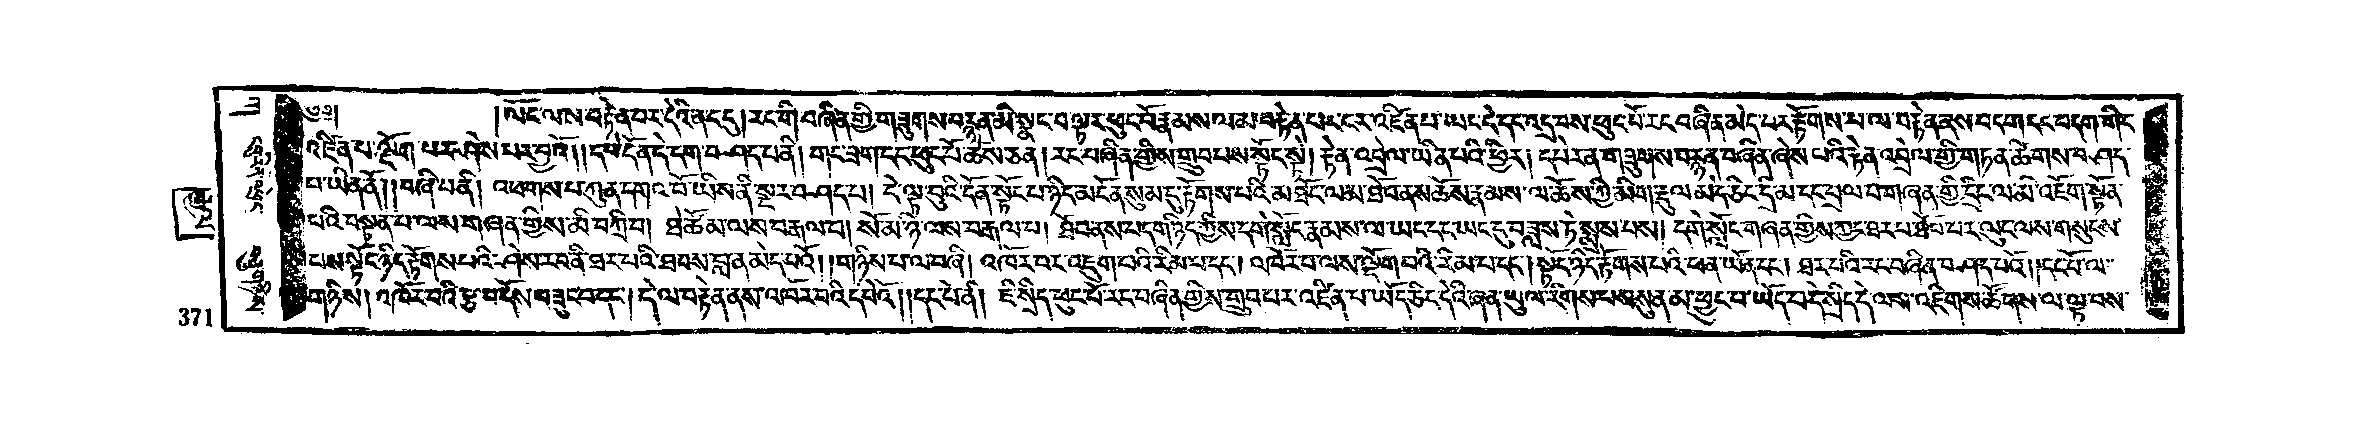༄༅། །ལོང་ལས་བརྟེན་པར་དེའི་ནང་དུ། རང་གི་བཞིན་གྱི་གཟུགས་བརྙན་མི་སྣང་བ་ལྟར་ཕུང་པོ་རྣམས་ལམ་བརྟེན་པར་ངར་འཛིན་པ་ཡང་དེ་དང་འདྲ་བས་ཕུང་པོ་རང་བཞིན་མེད་པར་རྟོགས་པ་ལ་བརྟེན་ནས་བདག་དང་བདག་གིར་
འཛིན་པ་ལྡོག་པར་ཤེས་པར་བྱའོ། །དཔེ་དོན་དེ་དག་བཤད་པ་ནི། གང་ཟག་དང་ཕུང་པོ་ཆོས་ཅན། རང་བཞིན་གྱིས་གྲུབ་པས་སྟོང་སྟེ། རྟེན་འབྲེལ་ཡིན་པའི་ཕྱིར། དཔེར་ན་གཟུགས་བརྙན་བཞིན་ཞེས་པའི་རྟེན་འབྲེལ་གྱི་གཏན་ཚིགས་བཤད་
པ་ཡིན་ནོ། །བཞི་པ་ནི། འཕགས་པ་ཀུན་དགའ་བོ་ཡིས་ནི་སྔར་བཤད་པ། དེ་ལྟ་བུའི་དོན་སྟོང་པ་ཉིད་མངོན་སུམ་དུ་རྟོགས་པའི་མཐོང་ལམ་ཐོབ་ནས་ཆོས་རྣམས་ལ་ཆོས་ཀྱི་མིག་རྡུལ་མེད་ཅིང་དྲི་མ་དང་བྲལ་བ་གཞན་གྱི་དྲིང་ལ་མི་འཇོག་སྟོན་
པའི་བསྟན་པ་ལས་གཞན་གྱིས་མི་བཀྲི་བ། ཐེ་ཚོམ་ལས་བརྒལ་བ། སོ་མ་ཉི་ལས་བརྒལ་བ། ཐོབ་ནས་བདག་ཉིད་ཀྱིས་དགེ་སློང་རྣམས་ལ་ཡང་དང་ཡང་དུ་བཟླས་ཏེ་སྨྲས་པས། དགེ་སློང་གཞན་གྱིས་ཀྱང་ཐར་པ་ཐོབ་པར་ལུང་ལས་གསུངས་
པས་སྟོང་ཉིད་རྟོགས་པའི་ཤེས་རབ་ནི་ཐར་པའི་ཐབས་བླ་ན་མེད་པའོ། །གཉིས་པ་ལ་བཞི། འཁོར་བར་འཇུག་པའི་རིམ་པ་དང་། འཁོར་བ་ལས་ལྡོག་པའི་རིམ་པ་དང་། སྟོང་ཉིད་རྟོགས་པའི་ཕན་ཡོན་དང་། ཐར་པའི་རང་བཞིན་བཤད་པའོ། །དང་པོ་ལ་
གཉིས། འཁོར་བའི་རྩ་བ་ངོས་བཟུང་བ་དང་། དེ་ལ་བརྟེན་ནས་འཁོར་བའི་དཔེའོ། །དང་པོ་ནི། ཇི་སྲིད་ཕུང་པོ་རང་བཞིན་གྱིས་གྲུབ་པར་འཛིན་པ་ཡོད་ཅིང་དེའི་ཞན་ཡུལ་རིགས་པས་སུན་མ་ཕུང་བ་ཡོད་པ་དེ་སྲིད་དེ་ལས་འཇིགས་ཚོགས་ལ་ལྟ་བས་